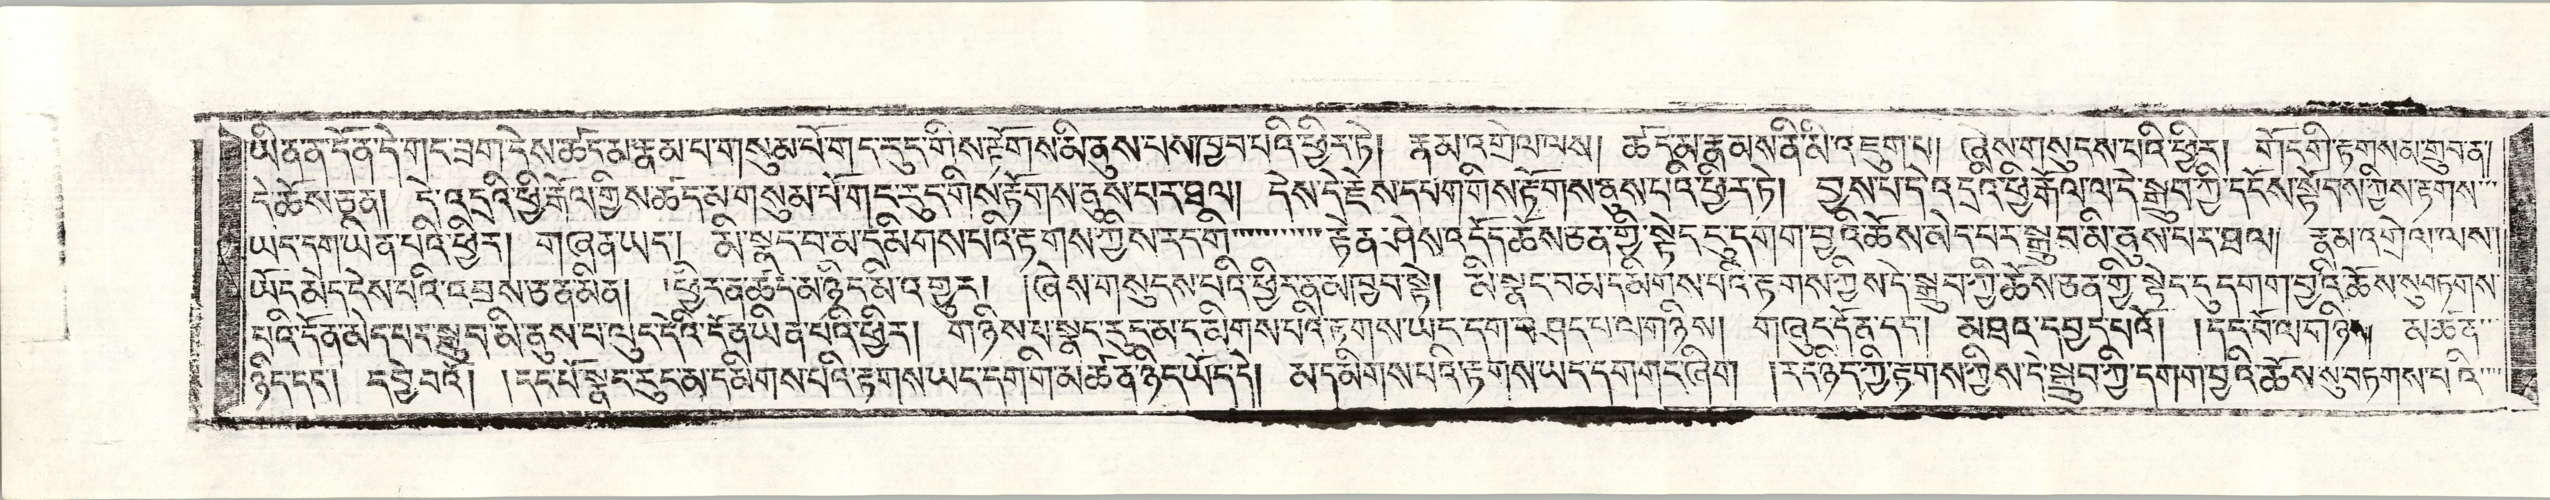ཡིན་ན་དོན་དེ་གང་ཟག་དེས་ཚད་མ་རྣམ་པ་གསུམ་པོ་གང་རུང་གིས་རྟོགས་མི་ནུས་པས་ཁྱབ་པའི་ཕྱིར་ཏེ། རྣམ་འགྲེལ་ལས། ཚད་མ་རྣམས་ནི་མི་འཇུག་པ། ཞེས་གསུངས་པའི་ཕྱིར། གོང་གི་རྟགས་མ་གྲུབ་ན།
དེ་ཆོས་ཅན། དེ་འདྲའི་ཕྱི་རྒོལ་གྱིས་ཚད་མ་གསུམ་པོ་གང་རུང་གིས་རྟོགས་ནུས་པར་ཐལ། དེས་དེ་རྗེས་དཔག་གིས་རྟོགས་ནུས་པའི་ཕྱིར་ཏེ། བྱས་པ་དེ་འདྲའི་ཕྱི་རྒོལ་ལ་དེ་སྒྲུབ་ཀྱི་དངོས་སྟོབས་ཀྱིས་རྟགས་
ཡང་དག་ཡིན་པའི་ཕྱིར། གཞན་ཡང་། མི་སྣང་བ་མ་དམིགས་པའི་རྟགས་ཀྱིས་རང་གི་རྟེན་ཤེས་འདོད་ཆོས་ཅན་གྱི་སྟེང་དུ་དགག་བྱའི་ཆོས་མེད་པར་སྒྲུབ་མི་ནུས་པར་ཐལ། རྣམ་འགྲེལ་ལས།
ཡོད་མེད་ངེས་པའི་འབྲས་ཅན་མིན། །ཕྱིར་ན་ཚད་མ་ཉིད་མི་འགྱུར། །ཞེས་གསུངས་པའི་ཕྱིར་ན་མ་ཁྱབ་སྟེ། མི་སྣང་བ་མ་དམིགས་པའི་རྟགས་ཀྱིས་དེ་སྒྲུབ་ཀྱི་ཆོས་ཅན་གྱི་སྟེང་དུ་དགག་བྱའི་ཆོས་སུ་བཏགས་
པའི་དོན་མེད་པར་སྒྲུབ་མི་ནུས་པ་ལུང་དེའི་དོན་ཡིན་པའི་ཕྱིར། གཉིས་པ་སྣང་རུང་མ་དམིགས་པའི་རྟགས་ཡང་དག་བཤད་པ་ལ་གཉིས། གཞུང་དོན་དང་། མཐའ་དཔྱད་པའོ། །དང་པོ་ལ་གཉིས། མཚན་
ཉིད་དང་། དབྱེ་བའོ། དང་པོ་སྣང་རུང་མ་དམིགས་པའི་རྟགས་ཡང་དག་གི་མཚན་ཉིད་ཡོད་དེ། མ་དམིགས་པའི་རྟགས་ཡང་དག་གང་ཞིག །རང་ཉིད་ཀྱི་རྟགས་ཀྱིས་དེ་སྒྲུབ་ཀྱི་དགག་བྱའི་ཆོས་སུ་བཏགས་པའི་